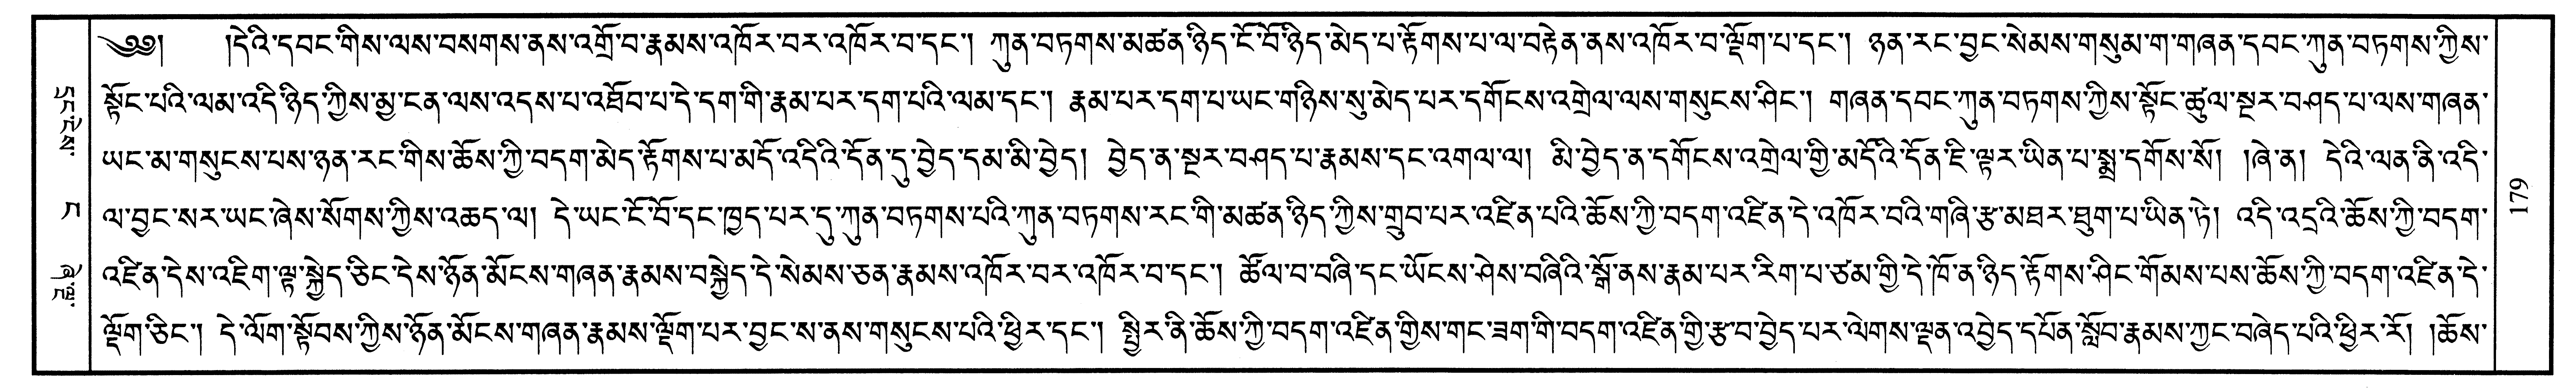༄༅། །དེའི་དབང་གིས་ལས་བསགས་ནས་འགྲོ་བ་རྣམས་འཁོར་བར་འཁོར་བ་དང་། ཀུན་བཏགས་མཚན་ཉིད་ངོ་བོ་ཉིད་མེད་པ་རྟོགས་པ་ལ་བརྟེན་ནས་འཁོར་བ་ལྡོག་པ་དང་། ཉན་རང་བྱང་སེམས་གསུམ་ག་གཞན་དབང་ཀུན་བཏགས་ཀྱིས་
སྟོང་པའི་ལམ་འདི་ཉིད་ཀྱིས་མྱ་ངན་ལས་འདས་པ་འཐོབ་པ་དེ་དག་གི་རྣམ་པར་དག་པའི་ལམ་དང་། རྣམ་པར་དག་པ་ཡང་གཉིས་སུ་མེད་པར་དགོངས་འགྲེལ་ལས་གསུངས་ཤིང་། གཞན་དབང་ཀུན་བཏགས་ཀྱིས་སྟོང་ཚུལ་སྔར་བཤད་པ་ལས་གཞན་
ཡང་མ་གསུངས་པས་ཉན་རང་གིས་ཆོས་ཀྱི་བདག་མེད་རྟོགས་པ་མདོ་འདིའི་དོན་དུ་བྱེད་དམ་མི་བྱེད། བྱེད་ན་སྔར་བཤད་པ་རྣམས་དང་འགལ་ལ། མི་བྱེད་ན་དགོངས་འགྲེལ་གྱི་མདོའི་དོན་ཇི་ལྟར་ཡིན་པ་སྨྲ་དགོས་སོ། །ཞེ་ན། དེའི་ལན་ནི་འདི་
ལ་བྱང་སར་ཡང་ཞེས་སོགས་ཀྱིས་འཆད་ལ། དེ་ཡང་ངོ་བོ་དང་ཁྱད་པར་དུ་ཀུན་བཏགས་པའི་ཀུན་བཏགས་རང་གི་མཚན་ཉིད་ཀྱིས་གྲུབ་པར་འཛིན་པའི་ཆོས་ཀྱི་བདག་འཛིན་དེ་འཁོར་བའི་གཞི་རྩ་མཐར་ཐུག་པ་ཡིན་ཏེ། འདི་འདྲའི་ཆོས་ཀྱི་བདག་
འཛིན་དེས་འཇིག་ལྟ་སྐྱེད་ཅིང་དེས་ཉོན་མོངས་གཞན་རྣམས་བསྐྱེད་དེ་སེམས་ཅན་རྣམས་འཁོར་བར་འཁོར་བ་དང་། ཚོལ་བ་བཞི་དང་ཡོངས་ཤེས་བཞིའི་སྒོ་ནས་རྣམ་པར་རིག་པ་ཙམ་གྱི་དེ་ཁོ་ན་ཉིད་རྟོགས་ཤིང་གོམས་པས་ཆོས་ཀྱི་བདག་འཛིན་དེ་
ལྡོག་ཅིང་། དེ་ལོག་སྟོབས་ཀྱིས་ཉོན་མོངས་གཞན་རྣམས་ལྡོག་པར་བྱང་ས་ནས་གསུངས་པའི་ཕྱིར་དང་། སྤྱིར་ནི་ཆོས་ཀྱི་བདག་འཛིན་གྱིས་གང་ཟག་གི་བདག་འཛིན་གྱི་རྩ་བ་བྱེད་པར་ལེགས་ལྡན་འབྱེད་དཔོན་སློབ་རྣམས་ཀྱང་བཞེད་པའི་ཕྱིར་རོ། །ཆོས་